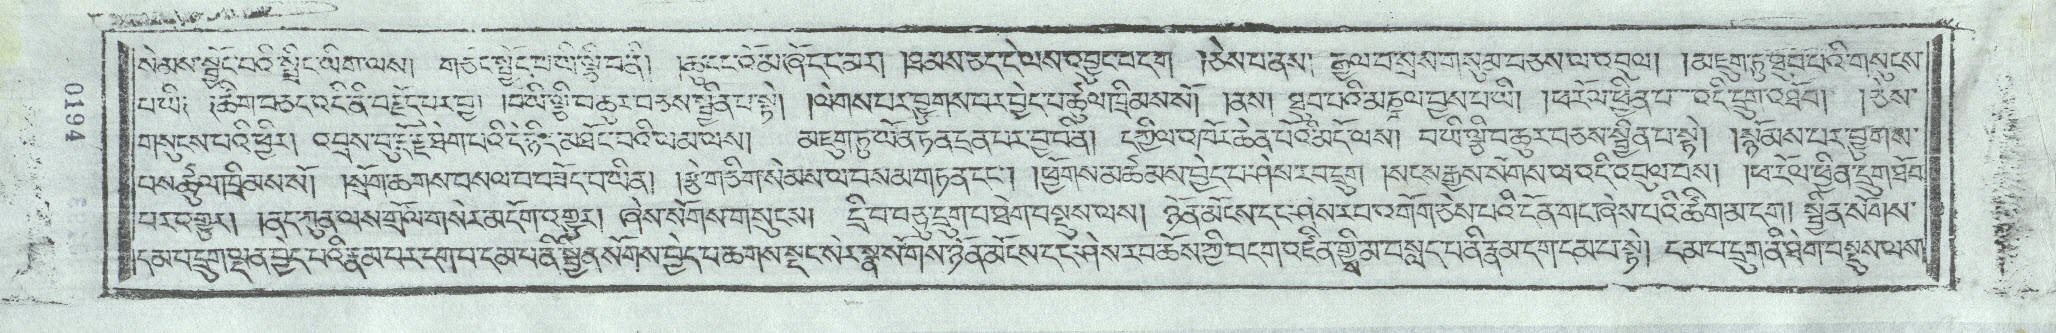སེམས་སྦྱོང་པའི་སྤྲིང་ཡིག་ལས། གཙང་སྤྱོད་པ་ཡི་ལྕི་བ་ནི། །ཆུ་དང་འོ་མ་ཞོ་དང་མར། །ཐམས་ཅད་དེ་ལས་འབྱུང་བ་དག །ཅེས་པ་ནས། རྒྱལ་བ་སྲས་གསུམ་བཅས་ལ་འབུལ། །མཇུག་ཏུ་ཐུབ་པའི་གསུངས་
པ་ཡི༑ ༑ཚིག་བཅད་འདི་ནི་བརྗོད་པར་བྱ། །བ་ཡི་ལྕི་བ་ཆུར་བཅས་སྦྱིན་པ་སྟེ། །ལེགས་པར་བྱུགས་པར་བྱེད་པ་ཚུལ་ཁྲིམས་སོ། །ནས། ཐུབ་པའི་མཎྜལ་བྱས་པ་ཡི། །ཕ་རོལ་ཕྱིན་པ་འདི་དྲུག་འཐོབ། །ཅེས་
གསུངས་པའི་ཕྱིར། འབྲས་བུ་རྡོ་རྗེ་ཐེག་པའི་དེ་ཉིད་མཐོང་བའི་ལམ་ལས། མཇུག་ཏུ་ཡོན་ཏན་དྲན་པར་བྱ་བ་ནི། དཀྱིལ་འཁོར་ཆེན་པོའི་མདོ་ལས། བ་ཡི་ལྕི་བ་ཆུར་བཅས་སྦྱིན་པ་སྟེ། །སྙོམས་པར་བྱུགས་
པས་ཚུལ་ཁྲིམས་སོ། །སྲོག་ཆགས་བསལ་བ་བཟོད་པ་ཡིན། །རྩེ་གཅིག་སེམས་ལ་བསམ་གཏན་དང་། །ཕྱོགས་མཚམས་བྱེད་པ་ཤེས་རབ་དྲུག། །སངས་རྒྱས་སོགས་ལ་འདི་འབུལ་བས། །ཕ་རོལ་ཕྱིན་དྲུག་ཐོབ་
པར་འགྱུར། །ནད་ཀུན་ལས་གྲོལ་གསེར་མདོག་འགྱུར། ཞེས་སོགས་གསུངས། དྲི་བ་བཅུ་དྲུག་པ་ཐེག་བསྡུས་ལས། ཉོན་མོངས་དང་ཤེས་རབ་འགོག་ཅེས་པའི་དོན་གང་ཞེས་པའི་ཚིག་མ་དག། སྦྱིན་སོགས་
དམ་པ་དྲུག་ལྡན་བྱེད་པའི་རྣམ་པར་དག་པ་དམ་པ་ནི་སྦྱིན་སོགས་བྱེད་པ་ཆགས་སྡང་སེར་སྣ་སོགས་ཉོན་མོངས་དང་ཤེས་རབ་ཆོས་ཀྱི་བདག་འཛིན་གྱིས་མ་བསླད་པ་ནི་རྣམ་དག་དམ་པ་སྟེ། དམ་པ་དྲུག་ནི་ཐེག་བསྡུས་ལས་